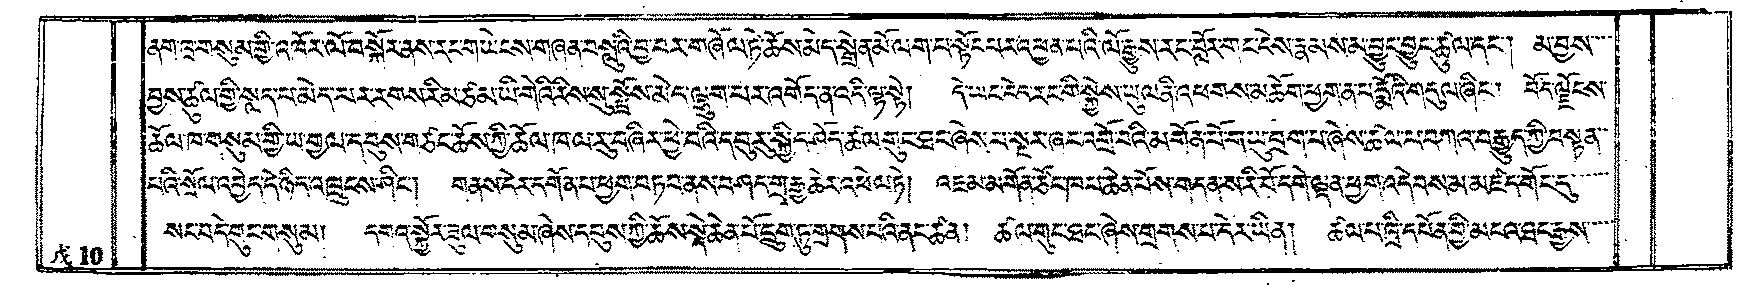ནག་ཁྲ་གསུམ་གྱི་འཁོར་ལོ་བསྐོར་ནས་རང་གཡེངས་གཞན་བསླུའི་བྱ་བར་གཞོལ་ཏེ་ཆོས་མེད་སྒྲེན་མོ་ལག་པ་སྟོང་པར་འཕྱན་པའི་ལོ་རྒྱུས་རང་བློར་གང་ངེས་རྣམས་མ་བྱུང་བྱུང་ཚུལ་དང་། མ་བྱས་
བྱས་ཚུལ་གྱི་སླད་པ་མེད་པར་རགས་རིམ་ཙམ་ཡི་གེའི་རིས་སུ་སྤྲོས་མེད་ལྷུག་པར་འགོད་ན་འདི་ལྟ་སྟེ། དེ་ཡང་ངེད་རང་གི་སྐྱེས་ཡུལ་ནི་འཕགས་མཆོག་ཕྱག་ན་པདམོའི་གདུལ་ཞིང་། བོད་ལྗོངས་
ཆོལ་ཁ་གསུམ་གྱི་ཡ་གྱལ་དབུས་གཙང་ཆོས་ཀྱི་ཆོལ་ཁ་ལ་རུ་བཞིར་ཕྱེ་བའི་དབུ་རུ་སྐྱིད་ཤོད་ཚལ་གུང་ཐང་ཞེས་པ་སྔར་ཞང་འགྲོ་བའི་མགོན་པོ་གཡུ་བྲག་པ་ཞེས་ཚལ་པ་བཀའ་བརྒྱུད་ཀྱི་བསྟན་
པའི་སྲོལ་འབྱེད་དེ་ཉིད་འཁྲུངས་ཤིང་། གནས་དེར་དགོན་པ་ཕྱག་བཏབ་ནས་བཤད་གྲྭ་རྒྱ་ཆེར་འཕེལ་ཏེ། འཇམ་མགོན་ཙོང་ཁ་པ་ཆེན་པོས་གདན་ས་རི་བོ་དགེ་ལྡན་ཕྱག་འདེབས་མ་མཛད་གོང་དུ་
སང་བདེ་གུང་གསུམ། དགའ་སྐྱོར་ཟུལ་གསུམ་ཞེས་དབུས་ཀྱི་ཆོས་སྡེ་ཆེན་པོ་དྲུག་ཏུ་གྲགས་པའི་ནང་ཚན། ཚལ་གུང་ཐང་ཞེས་གྲགས་པ་དེར་ཡིན། ཚལ་པ་ཁྲི་དཔོན་གྱི་མངའ་ཐང་རྒྱས་